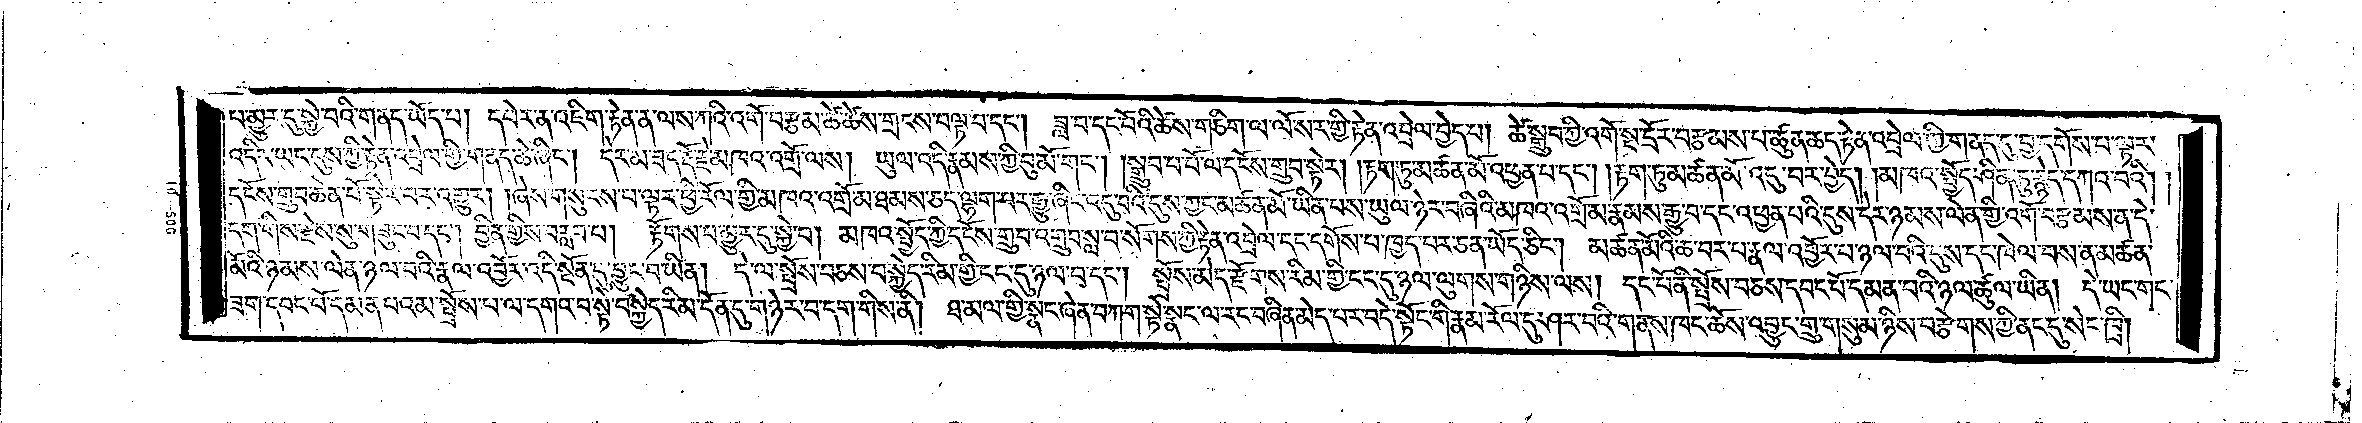པ་མྱུར་དུ་སྐྱེ་བའི་གནད་ཡོད་པ། དཔེར་ན་འཇིག་རྟེན་ན་ལས་ཀའི་འགོ་བརྩམ་ཚེ་ཚེས་གྲངས་བལྟ་བ་དང་། ཟླ་བ་དང་པོའི་ཚེས་གཅིག་ལ་ལོ་སར་གྱི་རྟེན་འབྲེལ་བྱེད་པ། ཚེ་སྒྲུབ་ཀྱི་འགོ་སྔ་དྲོར་བརྩམས་པ་ཚུན་ཆད་རྟེན་འབྲེལ་གྱི་གནད་དུ་བྱ་དགོས་པ་ལྟར་
འདིར་ཡང་དུས་ཀྱི་རྟེན་འབྲེལ་གྱི་གནད་ཆེ་ཞིང་། དེར་མ་ཟད་རྡོ་རྗེ་མཁའ་འགྲོ་ལས། ཡུལ་འདི་རྣམས་ཀྱི་བུ་མོ་གང་། །སྒྲུབ་པ་པོ་ལ་དངོས་གྲུབ་སྟེར། །རྟག་ཏུ་མཚན་མོ་འཕྱན་པ་དང་། །རྟག་ཏུ་མཚན་མོ་འདུ་བར་བྱེད། །མཁའ་སྤྱོད་ཤིན་ཏུ་རྙེད་དཀའ་བའི། །
དངོས་གྲུབ་ཆེན་པོ་སྟེར་བར་འགྱུར། །ཞེས་གསུངས་པ་ལྟར་ཕྱི་རོལ་གྱི་མཁའ་འགྲོ་མ་ཐམས་ཅད་ལྷག་པར་རྒྱུ་ཞིང་འདུ་བའི་དུས་ཀྱང་མཚན་མོ་ཡིན་པས་ཡུལ་ཉེར་བཞིའི་མཁའ་འགྲོ་མ་རྣམས་རྒྱུ་བ་དང་འཕྱན་པའི་དུས་དེར་ཉམས་ལེན་གྱི་འགོ་བརྩམས་ན་དེ་
དག་གིས་རྗེས་སུ་གཟུང་བ་དང་། བྱི་གྱིས་བརླབ་པ། རྟོགས་པ་མྱུར་དུ་སྐྱེ་བ། མཁའ་སྤྱོད་ཀྱི་དངོས་གྲུབ་འགྲུབ་སླ་བ་སོགས་ཀྱི་རྟེན་འབྲེལ་དང་དགོས་པ་ཁྱད་པར་ཅན་ཡོད་ཅིང་། མཚན་མོའི་ཆ་བར་པ་རྣལ་འབྱོར་བ་ཉལ་བའི་དུས་དང་ཁེལ་བས་ན་མཚན་
མོའི་ཉམས་ལེན་ཉལ་བའི་རྣལ་འབྱོར་འདི་སྔོན་དུ་བྱུང་བ་ཡིན། དེ་ལ་སྤྲོས་བཅས་བསྐྱེད་རིམ་གྱི་ངང་དུ་ཉལ་བ་དང་། སྤྲོས་མེད་རྫོགས་རིམ་གྱི་ངང་དུ་ཉལ་ལུགས་གཉིས་ལས། དང་པོ་ནི་སྤྲོས་བཅས་དབང་པོ་དམན་པའི་ཉལ་ཚུལ་ཡིན། དེ་ཡང་གང་
ཟག་དབང་པོ་དམན་པའམ་སྤྲོས་པ་ལ་དགའ་བ་སྟེ་བསྐྱེད་རིམ་དོན་དུ་གཉེར་བ་དག་གིས་ནི། ཐ་མལ་གྱི་སྣང་ཞེན་བཀག་སྟེ་སྣང་ལ་རང་བཞིན་མེད་པར་བདེ་སྟོང་གི་རྣམ་རོལ་དུ་ཤར་བའི་གནས་ཁང་ཆོས་འབྱུང་གྲུ་གསུམ་ཉིས་བརྩེགས་ཀྱི་ནང་དུ་སེང་ཁྲི།